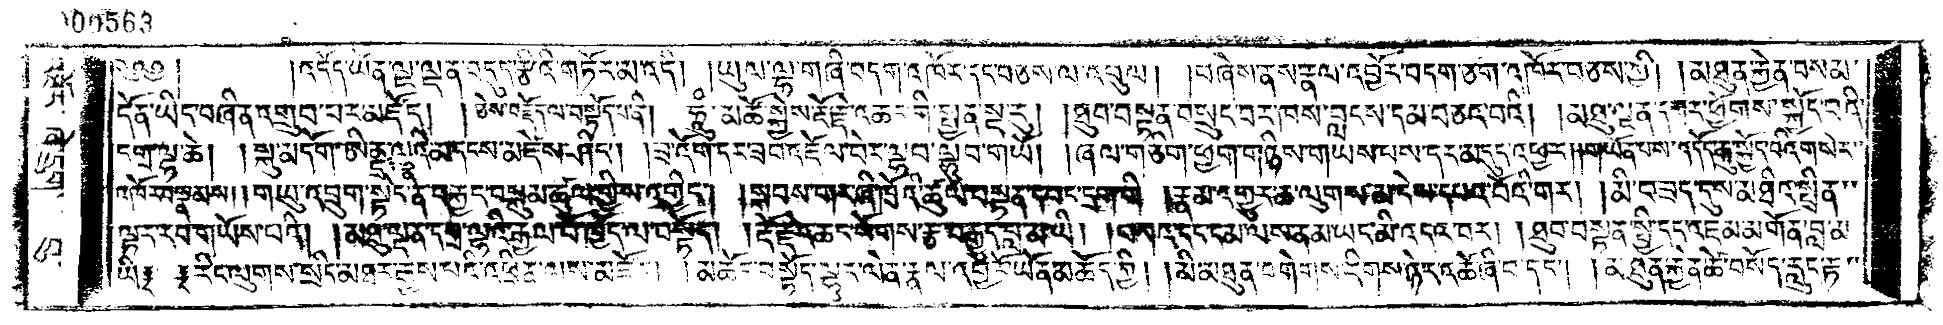༄༅། །འདོད་ཡོན་ལྔ་ལྡན་བདུད་རྩིའི་གཏོར་མ་འདི། །ཡུལ་ལྷ་གཞི་བདག་འཁོར་དང་བཅས་ལ་འབུལ། །བཞེས་ནས་རྣལ་འབྱོར་བདག་ཅག་འཁོར་བཅས་ཀྱི། །མཐུན་རྐྱེན་བསམ་
དོན་ཡིད་བཞིན་འགྲུབ་པར་མཛོད། ། ཅེས་བརྗོད་ལ་བསྟོད་པ་ནི།  ཧཱུཾ་མཚོ་སྐྱེས་རྡོ་རྗེ་འཆང་གི་སྤྱན་སྔ་རུ། །ཐུབ་བསྟན་བསྲུང་བར་ཁས་བླངས་དམ་བཅའ་བའི། །མཐུ་ལྡན་དཀར་ཕྱོགས་སྐྱོང་བའི་
དགྲ་ལྷ་ཆེ། །སྐུ་མདོག་ཨིནྡྲ་ནི་ལའི་མདངས་མཛེས་ཤིང་། །ཟ་འོག་དར་ཟབ་འཇོལ་བེར་ལྷབ་ལྷུབ་གཡོ། །ཞལ་གཅིག་ཕྱག་གཉིས་གཡས་པས་དར་མདུང་འཕྱར། །གཡོན་པས་འདོད་རྒུ་སྐྱོང་བའི་གསེར་
འཁོར་བསྣམས། །གཡུ་འབྲུག་སྟེང་ནི་བརྐྱང་བསྐུམ་ཚུལ་གྱིས་འགྱིང་། །སྐབས་གར་ཞི་ཁྲོའི་ཚུལ་བསྟན་དབང་དྲག་གི །རྣམ་འགྱུར་ཆ་ལུགས་མ་ངེས་དཔའ་བོའི་གར། །མི་བཟད་དུས་མཐའི་སྤྲིན་
ལྟར་རབ་གཡོས་པའི། །མཐུ་ལྡན་དགྲ་ལྷའི་རྒྱལ་པོ་ཁྱོད་ལ་བསྟོད། །རྡོ་རྗེ་འཆང་སོགས་རྩ་བརྒྱུད་བླ་མ་ཡི། །བཀའ་དང་དམ་ལས་ནམ་ཡང་མི་འདའ་བར། །ཐུབ་བསྟན་སྤྱི་དང་འཇམ་མགོན་བླ་མ་
ཡི༑ ༑རིང་ལུགས་སྲིང་མཐར་རྒྱས་པའི་འཕྲིན་ལས་མཛོད། །མཆོད་བསྟོད་ལྷུར་ལེན་རྣལ་འབྱོར་ཡོན་མཆོད་ཀྱི། །མི་མཐུན་བགེགས་རིགས་ཉེར་འཚེ་ཞི་བ་དང་། །མཐུན་རྐྱེན་ཚེ་བསོད་རླུང་རྟ་